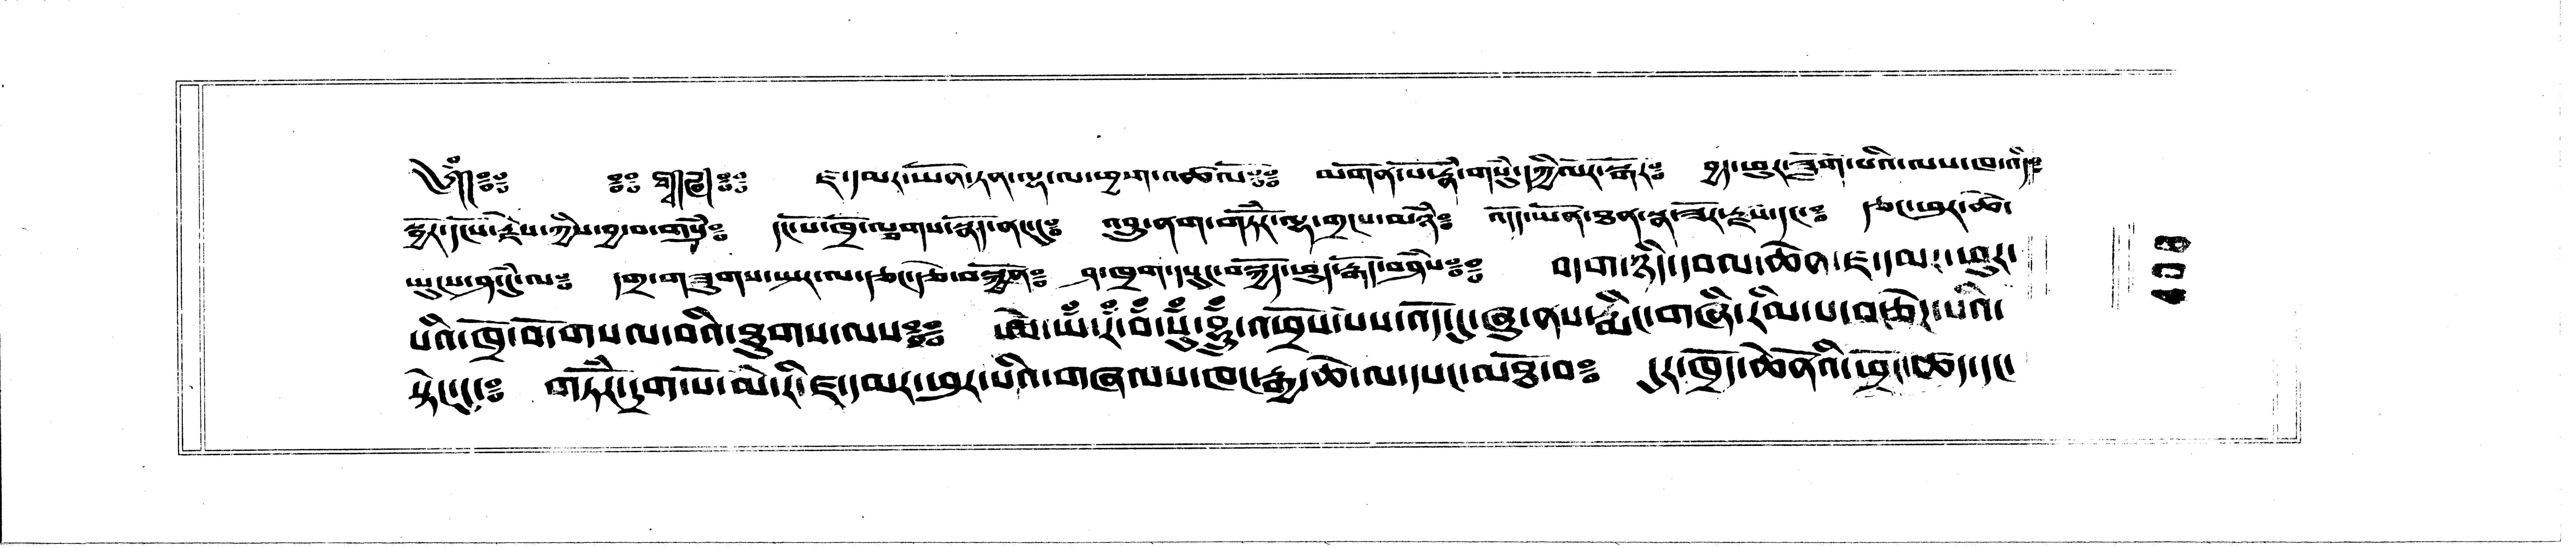༄།༔༔༔༔།།༔༔ཛ་དམར་ཡོན་ཏན་ལྷ་ལ་ཕྱག་འཚལ་ལོ༔༔མགོན་པོ་རྣམ་གསུམ་དཀྱིལ་འཁོར་སྒོར༔བྱད་ཕུར་ཟློག་པའི་ལས་ཁ་འདི༔
སྦྱོར་དངོས་རྗེས་ཀྱིས་བྱ་བ་གསུམ༔དང་པོ་ཁྲོ་ལྕགས་སྣོད་ནང་དུ༔འབྲུ་ནག་གཏོར་མ་ལྷ་གྲངས་མཉམ༔འདོད་ཡོན་ཐན་སྣ་ཟོར་རྫས་དང་༔རྩང་ཕུར་ཚེ་
ཡུངས་ཤ་དུམ་ལ༔དགྲ་གཟུགས་སྤར་ལ་རྩང་རྩེ་བསྐྱོན༔ཤ་ཁྲག་དཔུང་བསྐྱོད་ཕུད་རྒོད་བཤམས༔༔བདག་ཉིད་དབལ་ཆེན་ཛ་དམར་ཕུར་
པའི་ཁྲོ་བོ་གསལ་བའི་ཐུགས་ལས༔༔ཨེ་ཡྃརྃ་བྃ་སུྃ་བྷྲུྃ་འཕྲོས་པས་འོད་དུ་ཞུ་ནས་རྨིང་གཞི་རིམ་པ་བརྩེགས་པའི་
སྟེང་དུ༔གཏོར་མ་དྲག་པོ་མེ་རི་ཛྭ་དམར་ཕུར་པའི་གཞལ་ཡས་ཁང་རྒྱ་ཆེ་ལ་དཔང་མཐོ་བ༔དུར་ཁྲོད་ཆེན་མོའི་ཕོ་བྲང་ཚད་དང་